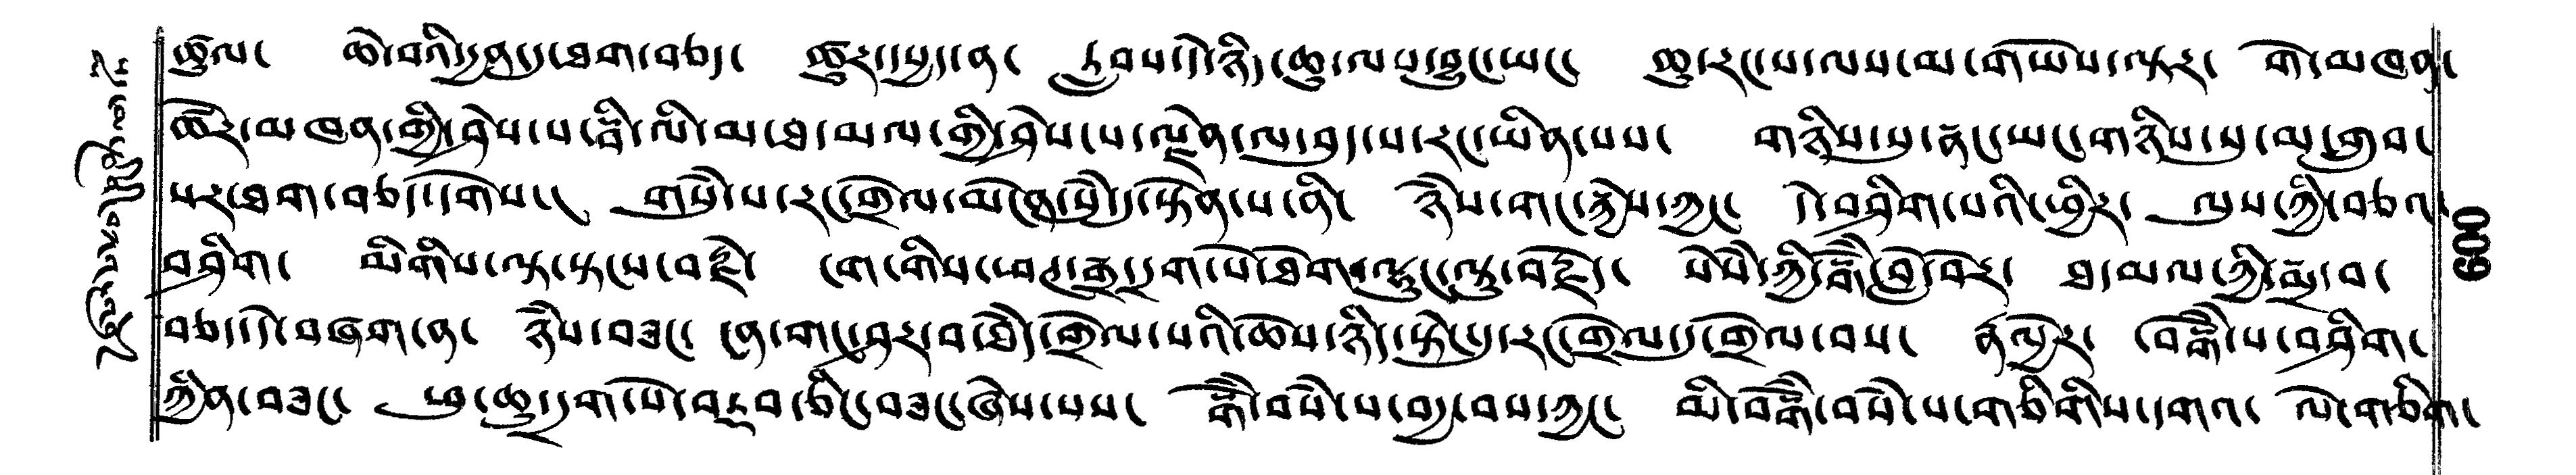ཚུལ་ཆེ་བའི་རྒྱན་དུ་ཐག་བཅད། ཚུར་དཔྱད་ན། རླབས་དེ་ཉིད་ཆུ་ལས་བྱུང་ཡང་། ཆུ་རང་ས་ལས་མ་གཡོས་པ་ལྟར། གོ་མཁན་
ཚོར་མཁན་གྱི་ཤེས་པ་སྦི་ལི་མ་ཐ་མལ་གྱི་ཤེས་པ་རྗེན་ལ་བུད་པ་རང་ཡིན་པས། གཉིས་སུ་སྣང་ཡང་གཉིས་སུ་མ་གྲུབ་
པར་ཐག་བཅད་དགོས། གསུམ་པ་རང་གྲོལ་མངོན་སུམ་དུ་སྟོན་པ་ནི། ཉམས་གང་སྐྱེས་ཀྱང་། དེ་བཤིག་པའི་ཕྱིར། ལུས་ཀྱི་བཅའ་
བཤིག མིག་གིས་ལྟ་སྟངས་བརྗེ། ངག་གིས་ཕཊ་སྒྲ་དྲག་པོ་ཐོག་ལྷུང་ལྟ་བུ་བརྗོད། སེམས་ཀྱི་སྒོམ་བློ་བོར། ཐ་མལ་ཀྱི་སྨྲ་བ་
བཅད་དེ་བཞག་ན། ཉམས་བཟང་ངན་གང་ཤར་བ་ཐམས་ཅད་གྲོལ་སའི་ཆོས་ཉིད་ཀྱི་སྟེང་དུ་རང་གྲོལ་དུ་གྲོལ་བས། རྣལ་འབྱོར་བསྒོམ་པ་བཤིག་
ཀྱིན་བཟང་། །ཕུ་ཆུ་དྲག་པོ་བརྡབ་ཅིང་བཟང་། ཞེས་པས། སྒོམ་བསམ་པ་བརྒྱ་བས་ཀྱང་། མི་བསྒོམ་བསམ་པ་གཅིག་གིས་དགའ། ལོ་གཅིག་